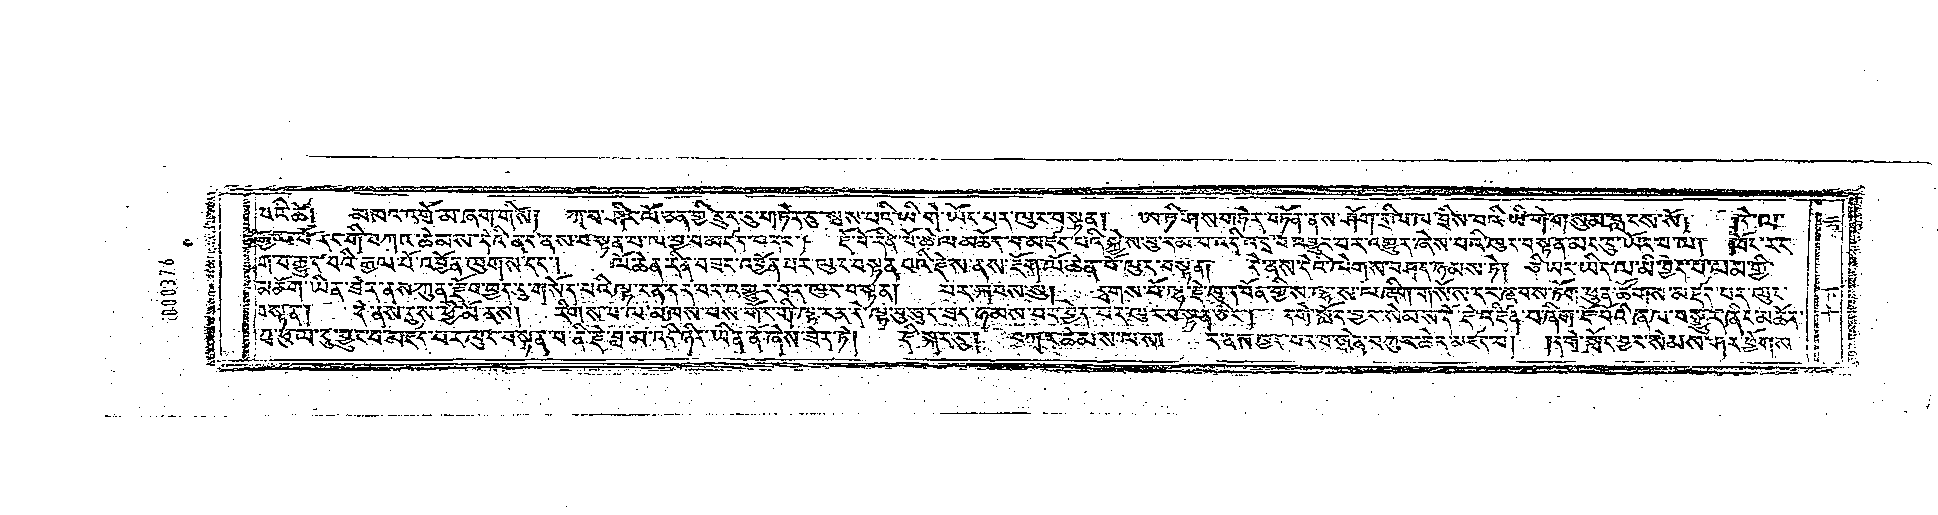པའི་ཚེ། མཁའ་འགྲོ་མ་ཞིག་གིས། ཀ་བ་ཤིང་ལོ་ཅན་གྱི་དྲུང་དུ་གཏེར་དུ་སྦས་པའི་ཡི་གེ་ཡོད་པར་ལུང་བསྟན། ཨ་ཏི་ཤས་གཏེར་བཏོན་ནས་ཤོག་དྲིལ་ལ་བྲིས་པའི་ཡི་གེ་གསུམ་བླངས་སོ། །དེ་ལ་
རྒྱལ་པོ་རང་གི་བཀའ་ཆེམས་དེའི་ནང་ནས་བསྟན་པ་ལ་བྱ་བ་མཛད་པ་དང་། ཇོ་བོ་རིན་པོ་ཆེ་ལ་མཆོད་པ་མཛད་པའི་སྐྱེས་བུ་དམ་པ་འདི་འདྲ་བ་འབྱུང་བར་འགྱུར་ཞེས་པའི་ལུང་བསྟན་མང་དུ་ཡོད་བ་ལ། ཁོང་རང་
གི་བརྒྱུད་བའི་རྒྱལ་པོ་འབྱོན་ལུགས་དང་། ལོ་ཆེན་རིན་བཟང་འབྱོན་པར་ལུང་བསྟན་བའི་རྗེས་ནས་རྡོག་ལོ་ཆེན་པོ་ལུང་བསྟན། དེ་ནས་དེའི་ལེགས་བཤད་ཉམས་ཏེ། ཅི་ཡང་ཡིད་ལ་མི་བྱེད་པ་ལམ་གྱི་
མཆོག་ཡིན་ཟེར་ནས་ཀུན་རྫོབ་ཁྱད་དུ་གསོད་པའི་ལྟ་ངན་དར་བར་འགྱུར་བར་ལུང་བསྟན། བར་སྐབས་སུ། དྭགས་པོ་ལྷ་རྗེ་ཁུ་དབོན་གྱིས་ལྷ་ས་ལ་ཞིག་གསོས་དང་ཞབས་ཏོག་ཕུན་ཚོགས་མཛད་པར་ལུང་
བསྟན། དེ་ནས་དུས་ཕྱི་མོ་ནས། རིགས་པ་ལ་མཁས་པས་གོང་གི་ལྟ་ངན་དེ་ལྟ་བུ་ཅུང་ཟད་ཉམས་པར་བྱེད་པར་ལུང་བསྟན་ཅིང་། དགེ་སློང་བྱང་སེམས་དོ་ཇེ་འཛིན་བ་ཞིག་ཇོ་བོའི་ཞལ་བསྒྱུར་ཞིང་མཆོད་
བ་ཕུལ་དུ་བྱུང་བ་མཛད་བར་ལུང་བསྟན་པ་ནི་རྗེ་བླ་མ་འདི་ཉིད་ཡིན་ནོ་ཞེས་ཟེར་ཏེ། ཇི་སྐད་དུ། བཀར་ཆེམས་ལས། དེ་ནས་ཁྱད་པར་བ་སྙེན་བཀུར་ཆེར་མཛད་པ། །དགེ་སློང་བྱང་སེམས་ཤར་ཕྱོགས་